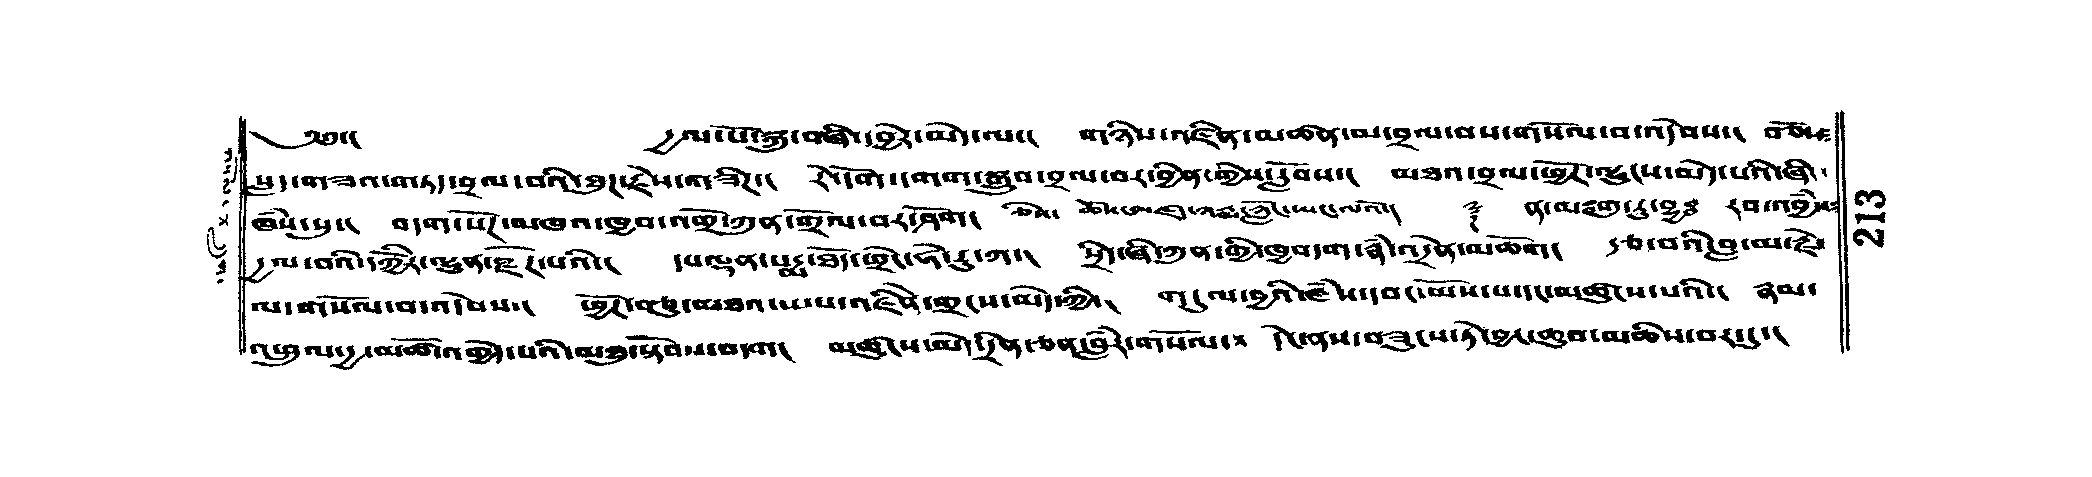རྒྱལ་པོ་སྐུ་བཞི་དབྱེར་མེད་ལ། །གཉིས་འཛིན་མཚན་མ་བྲལ་བས་གསོལ་བ་འདེབས། །བཅོས་
སླད་གཟའ་གཏད་བྲལ་བའི་ཐུགས་རྗེས་གཟིགས། །རེ་དོགས་དགག་སྒྲུབ་བྲལ་བར་བྱིན་གྱིས་རློབས། །མཐའ་བྲལ་ཕྱོགས་ལྷུང་མེད་པའི་ཞིང་
ཁམས་སུ། །བདག་སོགས་མཁའ་ཁྱབ་འགྲོ་ཀུན་གྲོལ་བར་ཤོག ཅེས་ཆོས་མཛད་ཀརྨ་ཀློང་ཡངས་ལའོ།། ༈ ན་མཿགུ་རུ་བྷྱཿ རབ་འབྱམས་
རྒྱལ་བའི་དཀྱིལ་འཁོར་ལྷུན་རྫོགས་པའི། །དཔལ་ལྡན་པདྨ་ཐོད་ཕྲེང་ཧེ་རུ་ཀ། །སྲིད་ཞི་ཀུན་གྱི་ཁྱབ་བདག་རྣམ་འདྲེན་མཆོག །རྩ་བའི་བླ་མ་རྗེ་
ལ་གསོལ་བ་འདེབས། །ཕྱོགས་བཅུ་མཐའ་ཡས་འཇིག་རྟེན་གྲངས་མེད་ཀྱི། །གདུལ་བྱའི་ཁམས་དབང་མོས་པ་དང་མཚུངས་པའི། །རྣམ་
འཕྲུལ་རྒྱ་མཚོ་འགྱེད་པའི་མཐུ་སྟོབས་བདག །མཚུངས་མེད་དྲིན་ཅན་བླ་མར་གསོལ༴ །དེང་ནས་བཟུང་སྟེ་བྱང་ཆུབ་མཆིས་བར་དུ།